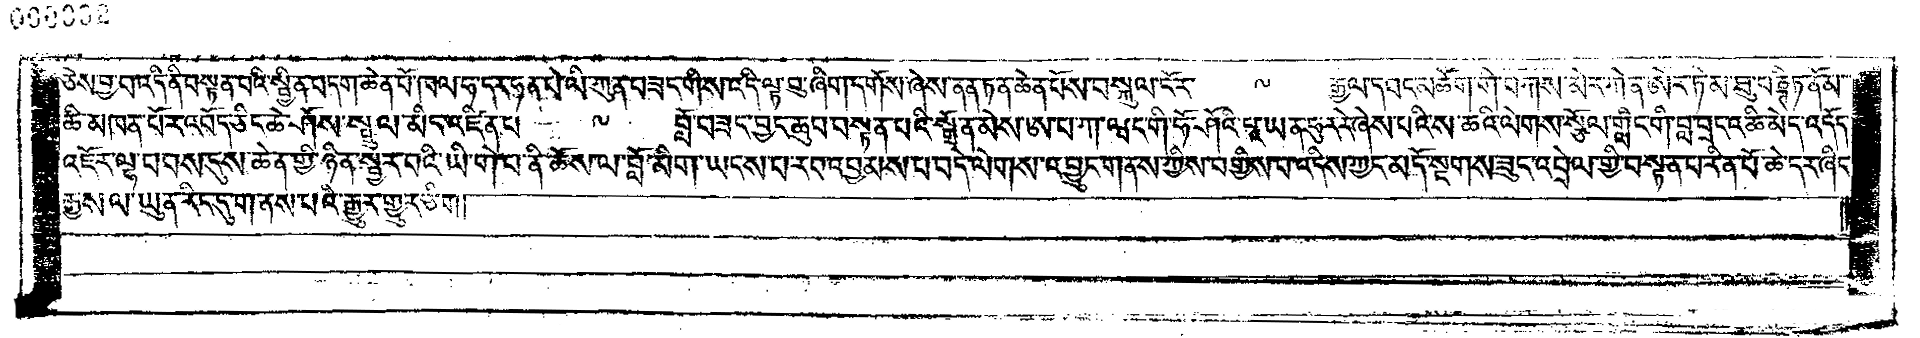ཅེས་བྱ་བ་འདི་ནི་བསྟན་པའི་སྦྱིན་བདག་ཆེན་པོ་ཁལ་ཧ་དར་ཧན་པེ་ལི་ཀུན་བཟང་གིས་འདི་ལྟ་བུ་ཞིག་དགོས་ཞེས་ནན་ཏན་ཆེན་པོས་བསྐུལ་ངོར་༧རྒྱལ་དབང་མཆོག་གི་བཀས་མེར་ཀེ་ན་ཨེར་ཏེ་མཐུ་པཎྚི་ཏ་ནོ་མ་
ཆི་མཁན་པོར་འབོད་ཅིང་ཆེ་ཤོས་སྤྲུལ་མིང་འཛིན་པ་༧བློ་བཟང་བྱང་ཆུབ་བསྟན་པའི་སྒྲོན་མེས་ཨ་པ་ཀ་ཝང་གི་ཧོ་ཤོའི་པཱ་ཡན་ཧུ་ར་རེ་ཞེས་པའི་ས་ཆའི་ལེགས་སྩོལ་གླིང་གི་བླ་བྲང་འཆི་མེད་འདོད་
འཇོར་ལྷ་བབས་དུས་ཆེན་གྱི་ཉིན་སྦྱར་བའི་ཡི་གེ་པ་ནི་ཆོས་ལ་བློ་མིག་ཡངས་པ་རབ་འབྱམས་པ་བདེ་ལེགས་འབྱུང་གནས་ཀྱིས་བགྱིས་པ་འདིས་ཀྱང་མདོ་སྔགས་ཟུང་འབྲེལ་གྱི་བསྟན་པ་རིན་པོ་ཆེ་དར་ཞིང་
རྒྱས་ལ་ཡུན་རིང་དུ་གནས་པའི་རྒྱུར་གྱུར་ཅིག ། །།